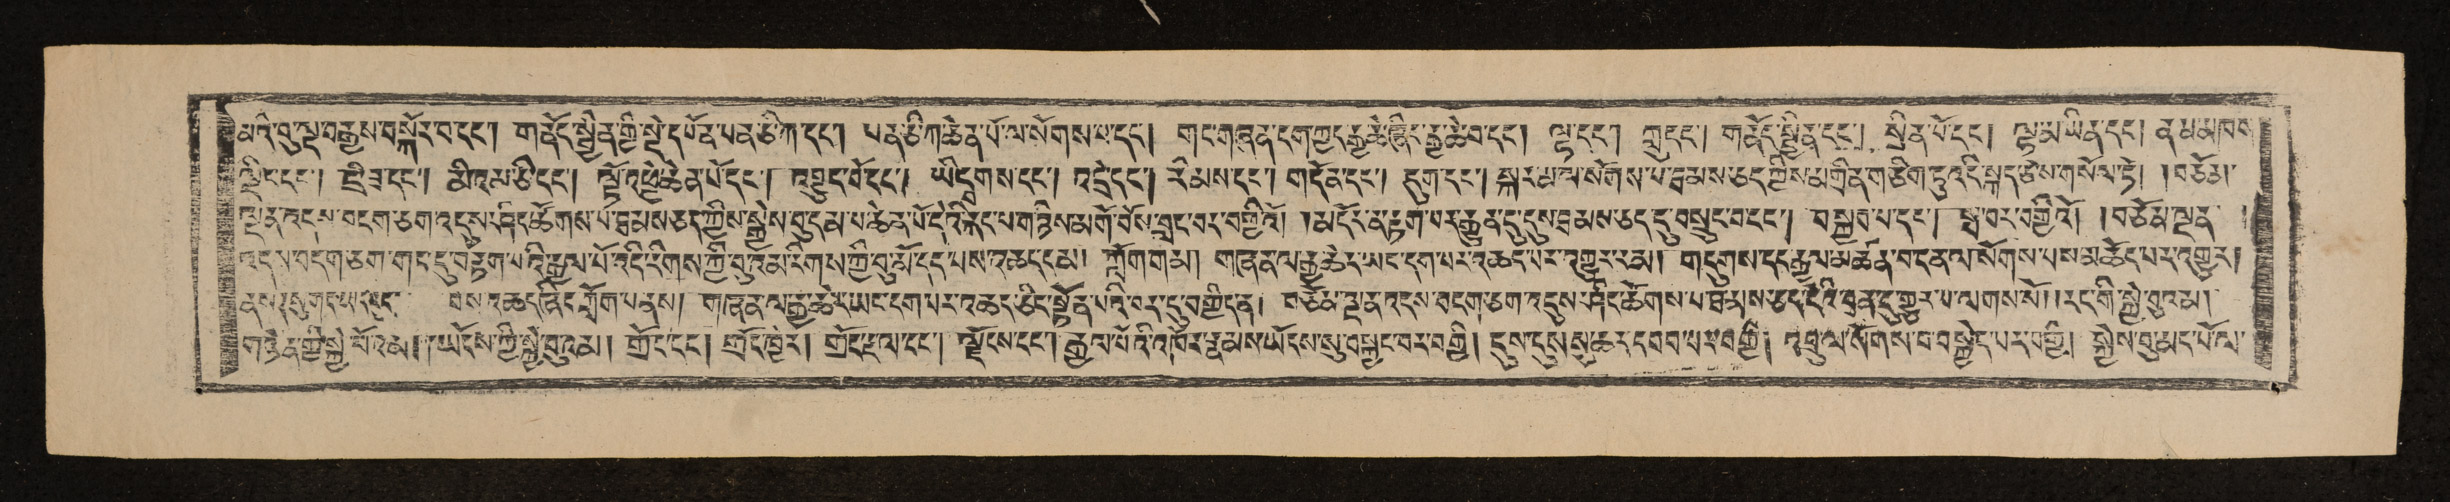མའི་བུ་ལྔ་བརྒྱས་བསྐོར་བ་དང་། གནོད་སྤྱིན་གྱི་སྡེ་དཔོན་པན་ཅི་ཀ་དང་། པན་ཙིཀ་ཆེན་པོ་ལ་སོགས་པ་དང་། གང་གཞན་དག་ཀྱང་རྒྱ་ཆེ་ཞིང་རྒྱ་ཆེ་བ་དང་། ལྷ་དང་། ཀླུ་དང་། གནོད་སྦྱིན་དང་། སྲིན་པོ་དང་། ལྷ་མ་ཡིན་དང་། ནམ་མཁའ་
ལྡིང་དང་། དྲི་ཟ་དང་། མིའམ་ཅི་དང་། ལྟོ་འཕྱེ་ཆེན་པོ་དང་། འབྱུང་པོ་དང་། ཡི་དྭགས་དང་། འདྲེ་དང་། རིམས་དང་། གདོན་དང་། དུག་དང་། སྐར་མ་ལ་སོགས་པ་ཐམས་ཅད་ཀྱིས་མགྲིན་གཅིག་ཏུ་འདི་སྐད་ཅེས་གསོལ་ཏོ། །བཅོམ་
ལྡན་འདས་བདག་ཅག་འདུས་ཤར་ཚོགས་པ་ཐམས་ཅད་ཀྱིས་སྐྱེས་བུ་དམ་པ་ཆེན་པོ་དེའི་རྐང་བ་གཉིས་མགོ་བོས་བླང་བར་བགྱིའོ། །མདོར་ན་རྟག་པར་རྒྱུན་དུ་དུས་ཐམས་ཅད་དུ་བསྲུང་བ་དང་། བསྐྱབ་པ་དང་། སྦ་བར་བགྱིའོ། །བཅོམ་ལྡན་
འདས་བདག་ཅག་གང་དུ་བརྟག་པའི་རྒྱལ་པོ་འདི་རིགས་ཀྱི་བུའམ་རིགས་ཀྱི་བུ་མོ་དད་པས་འཆང་དམ། ཀློག་གམ། གཞན་ལ་རྒྱ་ཆེར་ཡང་དག་པར་འཆད་པར་འགྱུར་རམ། གདུགས་དང་རྒྱལ་མཚན་བ་དན་ལ་སོགས་པས་མཆོད་པར་འགྱུར།
ནས༑ སུ་གང་ཡང་རུང་བས་འཆད་ཞིང་ཀློག་པ་ནས། གཞན་ལ་རྒྱ་ཆེར་ཡང་དག་པར་འཆད་ཅིང་སྟོན་པའི་བར་དུ་བགྱིད་ན། བཅོམ་ལྡན་འདས་བདག་ཅག་འདུས་ཤིང་ཚོགས་པ་ཐམས་ཅད་དེའི་བྲན་དུ་གྱུར་པ་ལགས་སོ། །རང་གི་སྐྱེ་བུའམ།
གཉེན་གྱི་སྐྱེ་པོའམ། ཡོངས་ཀྱི་སྐྱེ་བུའམ། གྲོང་དང་། གྲོང་ཁྱེར། གྲོང་རྡལ་དང་། ལྗོངས་དང་། རྒྱལ་པོའི་འཁོར་རྣམས་ཡོངས་སུ་བསྐྱང་བར་བགྱི། དུས་དུས་སུ་ཆར་དབབ་པར་བགྱི། འབྲུལ་སོགས་པ་བསྐྱེད་པར་བགྱི། སྐྱེས་བུ་མང་པོ་ལ་